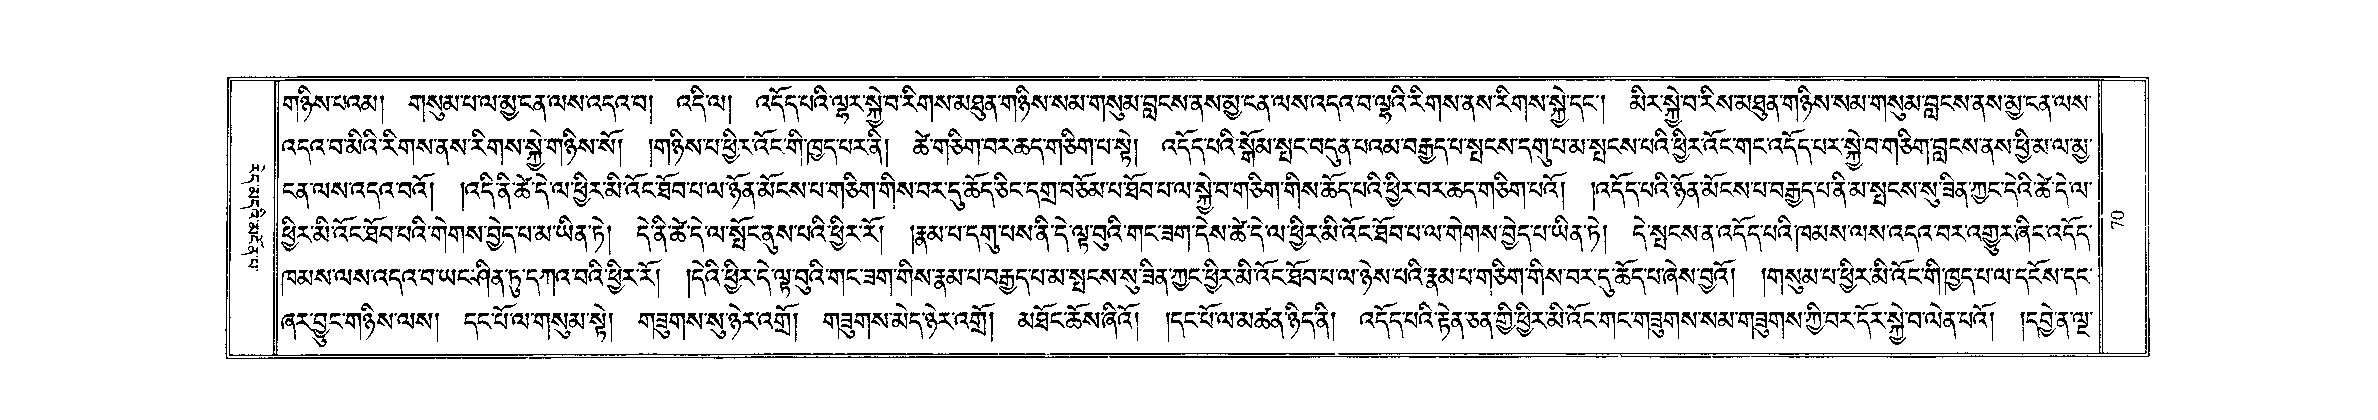གཉིས་པའམ། གསུམ་པ་ལ་མྱ་ངན་ལས་འདའ་བ། འདི་ལ། འདོད་པའི་ལྷར་སྐྱེ་བ་རིགས་མཐུན་གཉིས་སམ་གསུམ་བླངས་ནས་མྱ་ངན་ལས་འདའ་བ་ལྷའི་རིགས་ནས་རིགས་སྐྱེ་དང་། མིར་སྐྱེ་བ་རིས་མཐུན་གཉིས་སམ་གསུམ་བླངས་ནས་མྱ་ངན་ལས་
འདའ་བ་མིའི་རིགས་ནས་རིགས་སྐྱེ་གཉིས་སོ། །གཉིས་པ་ཕྱིར་འོང་གི་ཁྱད་པར་ནི། ཚེ་གཅིག་བར་ཆད་གཅིག་པ་སྟེ། འདོད་པའི་སྒོམ་སྤང་བདུན་པའམ་བརྒྱད་པ་སྤངས་དགུ་པ་མ་སྤངས་པའི་ཕྱིར་འོང་གང་འདོད་པར་སྐྱེ་བ་གཅིག་བླངས་ནས་ཕྱི་མ་ལ་མྱ་
ངན་ལས་འདའ་བའོ། །འདི་ནི་ཚེ་དེ་ལ་ཕྱིར་མི་འོང་ཐོབ་པ་ལ་ཉོན་མོངས་པ་གཅིག་གིས་བར་དུ་ཆོད་ཅིང་དགྲ་བཅོམ་པ་ཐོབ་པ་ལ་སྐྱེ་བ་གཅིག་གིས་ཆོད་པའི་ཕྱིར་བར་ཆད་གཅིག་པའོ། །འདོད་པའི་ཉོན་མོངས་པ་བརྒྱད་པ་ནི་མ་སྤངས་སུ་ཟིན་ཀྱང་དེའི་ཚེ་དེ་ལ་
ཕྱིར་མི་འོང་ཐོབ་པའི་གེགས་བྱེད་པ་མ་ཡིན་ཏེ། དེ་ནི་ཚེ་དེ་ལ་སྤོང་ནུས་པའི་ཕྱིར་རོ། །རྣམ་པ་དགུ་པས་ནི་དེ་ལྟ་བུའི་གང་ཟག་དེས་ཚེ་དེ་ལ་ཕྱིར་མི་འོང་ཐོབ་པ་ལ་གེགས་བྱེད་པ་ཡིན་ཏེ། དེ་སྤངས་ན་འདོད་པའི་ཁམས་ལས་འདའ་བར་འགྱུར་ཞིང་འདོད་
ཁམས་ལས་འདའ་བ་ཡང་ཤིན་ཏུ་དཀའ་བའི་ཕྱིར་རོ། །དེའི་ཕྱིར་དེ་ལྟ་བུའི་གང་ཟག་གིས་རྣམ་པ་བརྒྱད་པ་མ་སྤངས་སུ་ཟིན་ཀྱང་ཕྱིར་མི་འོང་ཐོབ་པ་ལ་ཉེས་པའི་རྣམ་པ་གཅིག་གིས་བར་དུ་ཆོད་པ་ཞེས་བྱའོ། །གསུམ་པ་ཕྱིར་མི་འོང་གི་ཁྱད་པ་ལ་དངོས་དང་
ཞར་བྱུང་གཉིས་ལས། དང་པོ་ལ་གསུམ་སྟེ། གཟུགས་སུ་ཉེར་འགྲོ། གཟུགས་མེད་ཉེར་འགྲོ། མཐོང་ཆོས་ཞིའོ། །དང་པོ་ལ་མཚན་ཉིད་ནི། འདོད་པའི་རྟེན་ཅན་གྱི་ཕྱིར་མི་འོང་གང་གཟུགས་སམ་གཟུགས་ཀྱི་བར་དོར་སྐྱེ་བ་ལེན་པའོ། །དབྱེ་ན་ལྔ་